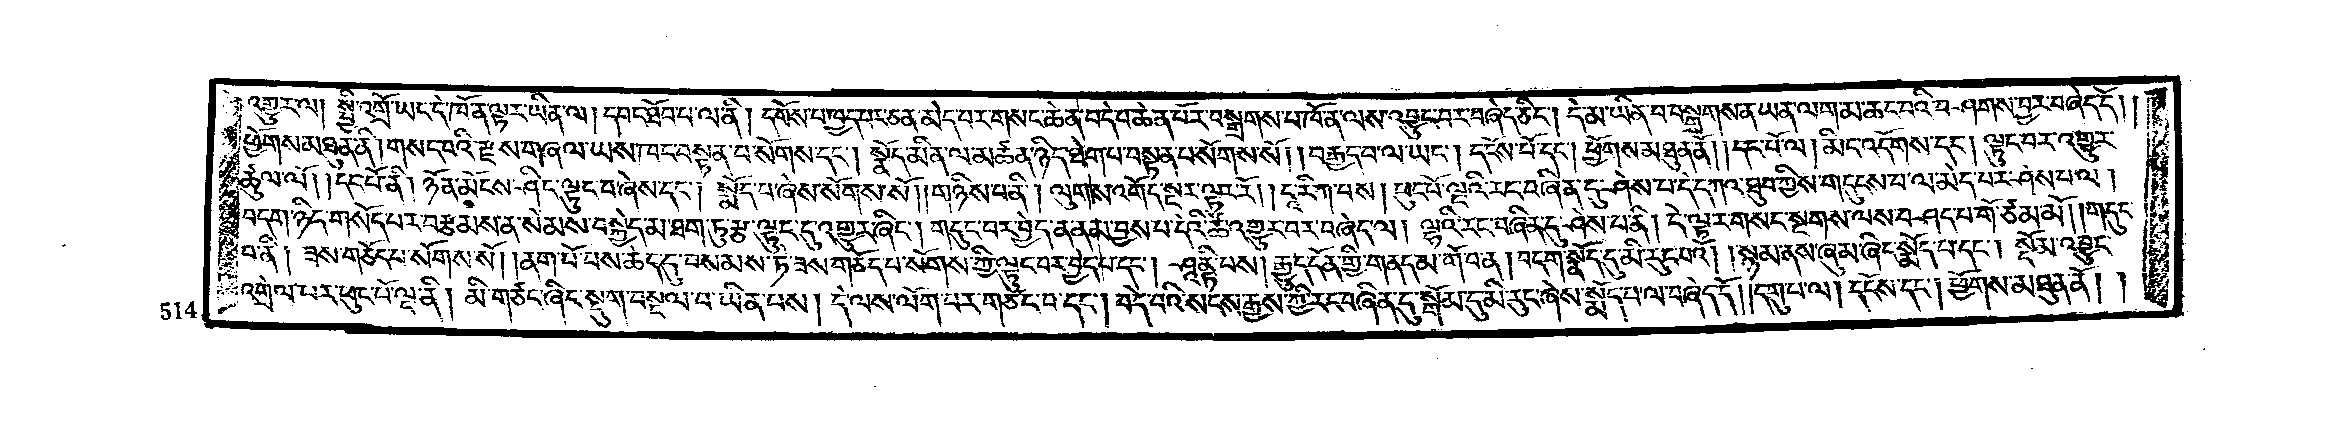འགྱུར་ལ། སྤྱི་འགྲོ་ཡང་དེ་ཁོ་ན་ལྟར་ཡིན་ལ། དབང་ཐོབ་པ་ལ་ནི། དགོས་པ་ཁྱད་པར་ཅན་མེད་པར་གསང་ཆེན་བདེ་བ་ཆེན་པོར་བསྒྲགས་པ་ཁོ་ན་ལས་འབྱུང་བར་བཞེད་ཅིང་། དེ་མ་ཡིན་པ་བསྒྲགས་ན་ཡན་ལག་མ་ཆད་བའི་བཤགས་བྱར་བཞེད་དོ། །
ཕྱོགས་མཐུན་ནི། གསང་བའི་རྫས་གཞལ་ཡས་ཁང་བསྟན་པ་སོགས་དང་། སྣོད་མིན་ལ་མཚན་ཉིད་ཐེག་པ་བསྟན་པ་སོགས་སོ། །བརྒྱད་བ་ལ་ཡང་། དངོས་པོ་དང་། ཕྱོགས་མཐུན་ནོ། །དང་པོ་ལ། མིང་འདོགས་དང་། ལྟུང་བར་འགྱུར་
ཚུལ་ལོ། །དང་པོ་ནི། ཉོན་མོངས་ཤིང་ལྟུང་བ་ཞེས་དང་། སྨོད་པ་ཞེས་སོགས་སོ། །གཉིས་པ་ནི། ལུགས་འགོད་སྔར་ལྟར་རོ། །དཱ་རི་ཀ་པས། ཕུང་པོ་ལྔའི་རང་བཞིན་དུ་ཤེས་པ་དེ་དཀའ་ཐུབ་ཀྱིས་གདུངས་པ་ལ་མེད་པར་ཤེས་པ་ལ།
བདག་ཉིད་གསོད་པར་བརྩམས་ན་སེམས་བསྐྱེད་མ་ཐག་ཏུ་རྩ་ལྟུང་དུ་འགྱུར་ཞིང་། གདུང་བར་བྱེད་ན་ནམ་བྱས་པ་དེའི་ཚེ་འགྱུར་བར་བཞེད་ལ། ལྷའི་རང་བཞིན་དུ་ཤེས་པ་ནི། དེ་ལྟར་གསང་སྔགས་ལས་བཤད་པ་གོ་ཙམ་མོ། །གདུང་
བ་ནི། ཟས་གཅོད་པ་སོགས་སོ། །ནག་པོ་པས་ཆེད་དུ་བསམས་ཏེ་ཟས་གཅོད་པ་སོགས་ཀྱི་ལྟུང་བར་བྱེད་པ་དང་། ཤཱནྟི་པས། རྒྱུད་དོན་གྱི་གནད་མ་གོ་བ་ན། བདག་སྣོད་དུ་མི་རུང་བའོ། །སྙམ་ནས་ཞུམ་ཞིང་སྨོད་པ་དང་། སྡོམ་འབྱུང་
འགྲེལ་པར་ཕུང་པོ་ལྔ་ནི། མི་གཙང་ཞིང་སྡུག་བསྔལ་བ་ཡིན་པས། དེ་ལས་ལོག་པར་གཙང་བ་དང་། བདེ་བའི་སངས་རྒྱས་ཀྱི་རང་བཞིན་དུ་སྒོམ་དུ་མི་རུང་ཞེས་སྨོད་པ་ལ་བཞེད་དོ། །དགུ་པ་ལ། དངོས་དང་། ཕྱོགས་མཐུན་ནོ། །